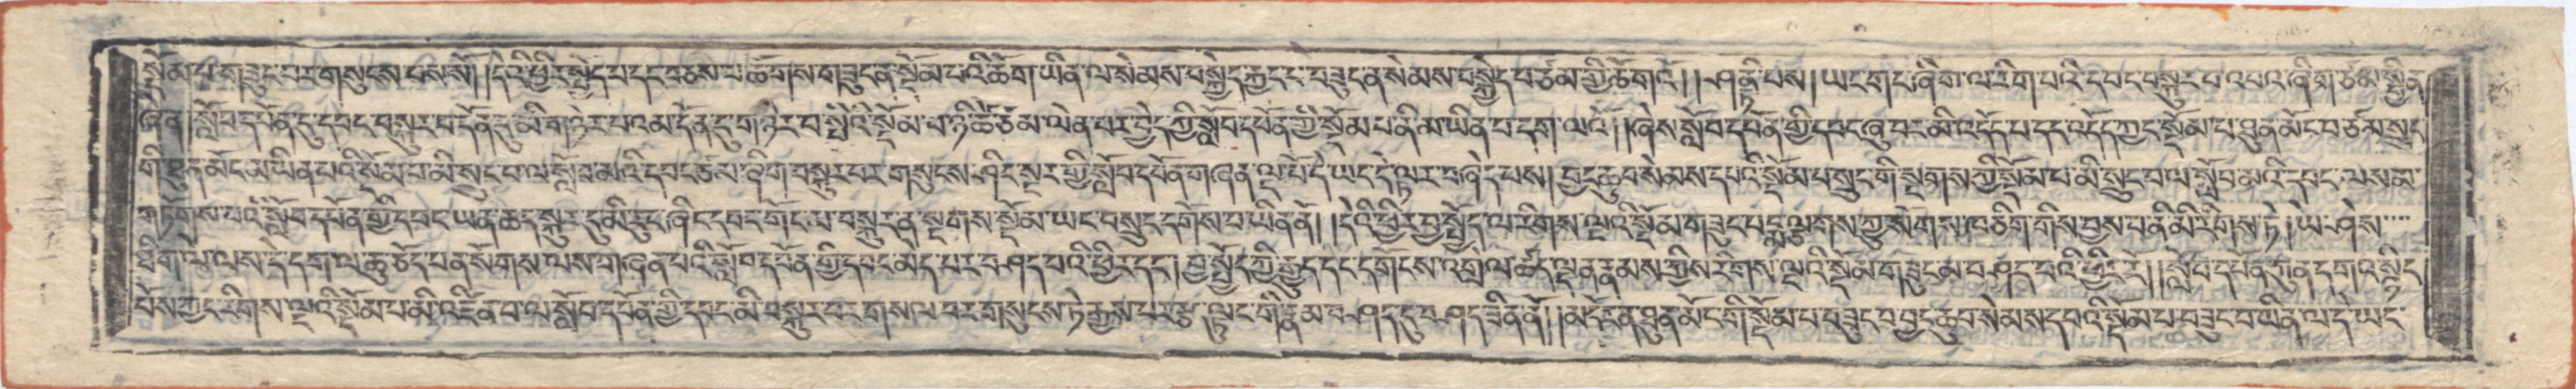སྡོམ་པ་གཟུང་བར་གསུངས་པས་སོ། །དེའི་ཕྱིར་སྤྱོད་པ་དང་བཅས་པ་ཆོ་གས་གཟུང་ན་སྡོམ་པའི་ཆོ་ག་ཡིན་ལ་སེམས་བསྐྱེད་རྐྱང་པ་བཟུང་ན་སེམས་བསྐྱེད་པ་ཙམ་གྱི་ཆོ་གའོ། །ཤནྟི་པས། ཡང་གང་ཞིག་ལ་རིག་པའི་དབང་བསྐུར་བ་འབའ་ཞིག་ཙམ་སྦྱིན་
ཞེ་ན། སློབ་དཔོན་དུ་དབང་བསྐུར་བ་དོན་དུ་མི་གཉེར་པའམ་དོན་དུ་གཉེར་བ་སྤྱིའི་སྡོམ་པ་ཉི་ཚེ་ཙམ་ལེན་པར་བྱེད་ཀྱི་སློབ་དཔོན་གྱི་སྡོམ་པ་ནི་མ་ཡིན་པ་དག་ལའོ། །ཞེས་སློབ་དཔོན་གྱི་དབང་ཞུ་བར་མི་འདོད་པ་དང་འདོད་ཀྱང་སྡོམ་པ་ཐུན་མོང་བ་ཙམ་སྲུང་
གི་ཐུན་མོང་མ་ཡིན་པའི་སྡོམ་པ་མི་སྲུང་བ་ལ་སློབ་མའི་དབང་ཙམ་ཞིག་བསྐུར་བར་གསུངས་ཤིང་སྔར་གྱི་སློབ་དཔོན་གཞན་ལྔ་པོ་དེ་ཡང་དེ་ལྟར་བཞེད་པས། བྱང་ཆུབ་སེམས་དཔའི་སྡོམ་པ་སྲུང་གི་སྔགས་ཀྱི་སྡོམ་པ་མི་སྲུང་བ་ལ་སློབ་མའི་དབང་ལས་མ་
གཏོགས་པའི་སློབ་དཔོན་གྱི་དབང་ཡན་ཆད་སྐུར་དུ་མི་རུང་ཞིང་དབང་གོང་མ་བསྐུར་ན་སྔགས་སྡོམ་ཡང་བསྲུང་དགོས་པ་ཡིན་ནོ། །དེའི་ཕྱིར་བྱ་སྤྱོད་ལ་རིགས་ལྔའི་སྡོམ་གཟུང་པདམ་ལྕགས་ཀྱུ་སོགས་ཁ་ཅིག་གིས་བྱས་པ་ནི་མི་རིགས་ཏེ། ཡེ་ཤེས་
ཐིག་ལེ་ལས་དེ་དག་ལ་ཆུ་ཅོད་པན་སོགས་ལས་གཞན་པའི་སློབ་དཔོན་གྱི་དབང་མེད་པར་བཤད་པའི་ཕྱིར་དང་། བྱ་སྤྱོད་ཀྱི་རྒྱུད་དང་དགོངས་འགྲེལ་ཚད་ལྡན་རྣམས་ཀྱིས་རིགས་ལྔའི་སྡོམ་གཟུང་མ་བཤད་པའི་ཕྱིར་རོ། །སློབ་དཔོན་ཀུན་དགའ་སྙིང་
པོས་ཀྱང་རིགས་ལྔའི་སྡོམ་པ་མི་འཛིན་པ་ལ་སློབ་དཔོན་གྱི་དབང་མི་བསྐུར་བར་གསལ་བར་གསུངས་ཏེ་རྒྱས་པར་རྩ་ལྟུང་གི་རྣམ་བཤད་དུ་བཤད་ཟིན་ནོ། །མདོར་ན་ཐུན་མོང་གི་སྡོམ་པ་བཟུང་བ་བྱང་ཆུབ་སེམས་དཔའི་སྡོམ་པ་བཟུང་བ་ཡིན་ལ་དེ་ཡང་